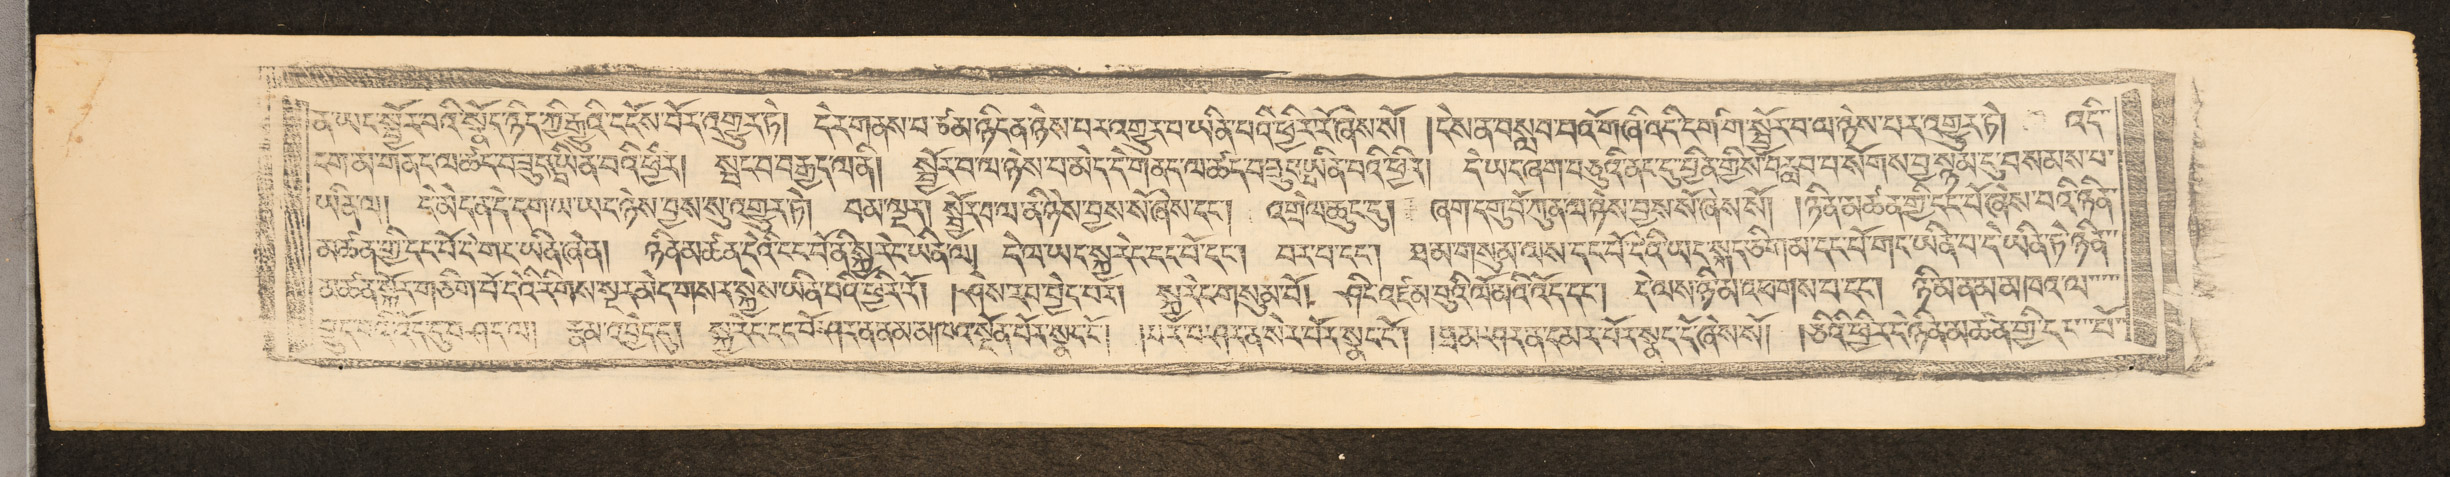ན་ཡང་སྦྱོར་བའི་སྣོད་ཉིད་ཀྱི་རྒྱུའི་དངོས་པོར་འགྱུར་ཏེ། དེར་གནས་བ་ཙམ་ཉིད་ན་ཉེས་བར་འགྱུར་བ་ཡིན་པའི་ཕྱིར་རོ་ཞེས་སོ། །དེས་ན་བསླབ་པའི་གཞི་འདི་དག་གི་སྦྱོར་བ་ལ་ཉེས་པར་འགྱུར་ཏེ། འདི་
དག་མ་གནང་ལ་ཚད་བཟུང་བ་ཡིན་པའི་ཕྱིར། སྤང་བ་བརྒྱད་ལ་ནི། སྦྱོར་བ་ལ་ཉེས་པ་མེད་དེ་གནད་ལ་ཚད་བཟུང་བ་ཡིན་པའི་ཕྱིར། དེ་ཡང་ཞག་བཅུའི་ནང་དུ་བྱིན་གྱིས་བརླབ་པ་སོགས་བྱ་སྙམ་དུ་བསམས་པ་
ཡིན་ལ། དེ་མེད་ན་དེ་དག་ལ་ཡང་ཉེས་བྱས་སུ་འགྱུར་ཏེ། བམ་ལྔར། སྦྱོར་བ་ལ་ནི་ཉེས་བྱས་སོ་ཞེས་དང་། འགྲེལ་ཆུང་དུ། ཞག་དགུ་བོ་ཀུན་ལ་ཉེས་བྱས་སོ་ཞེས་སོ། །ཉིན་མཚན་གྱི་དང་པོ་ཞེས་པའི་ཉིན་
མཚན་གྱི་དང་པོ་དེ་གང་ཡིན་ཞེ་ན། ཉིན་མཚན་དེའི་དང་པོ་ནི་སྐྱ་རེང་ཡིན་ལ། དེ་ལ་ཡང་སྐྱ་རེང་དང་པོ་དང་། བར་པ་དང་། ཐ་མ་གསུམ་ལས་དང་པོ་དེའི་ཡང་སྐད་ཅིག་མ་དང་པོ་གང་ཡིན་པ་དེ་ཡིན་ཏེ་ཉིན་
མཚན་སྐོར་གཅིག་པོ་དེའི་རིགས་སྔར་མེད་གསར་སྐྱེས་ཡིན་པའི་ཕྱིར་རོ། །ཤེས་རབ་བྱེད་པར། སྐྱ་རེང་གསུམ་བོ། ཤིང་འཛམ་བུའི་ལོ་མའི་འོད་དང་། དེ་ལས་ཉི་མ་འཕགས་པ་དང་། ཉི་མ་ནམ་མཁའ་ལ་
བྱུང་བའི་འོད་དུ་བཤད་ལ། རྣམ་འབྱེད་དུ། སྐྱ་རེང་དང་པོ་ཤར་ན་ནམ་མཁའ་སྔོན་པོར་སྣང་ངོ། །བར་པ་ཤར་ན་སེར་པོར་སྣང་ངོ། །ཐམ་ཤར་ན་དམར་པོར་སྣང་ངོ་ཞེས་སོ། །ཅིའི་ཕྱིར་དེ་ཉིན་མཚན་གྱི་དང་པོ་